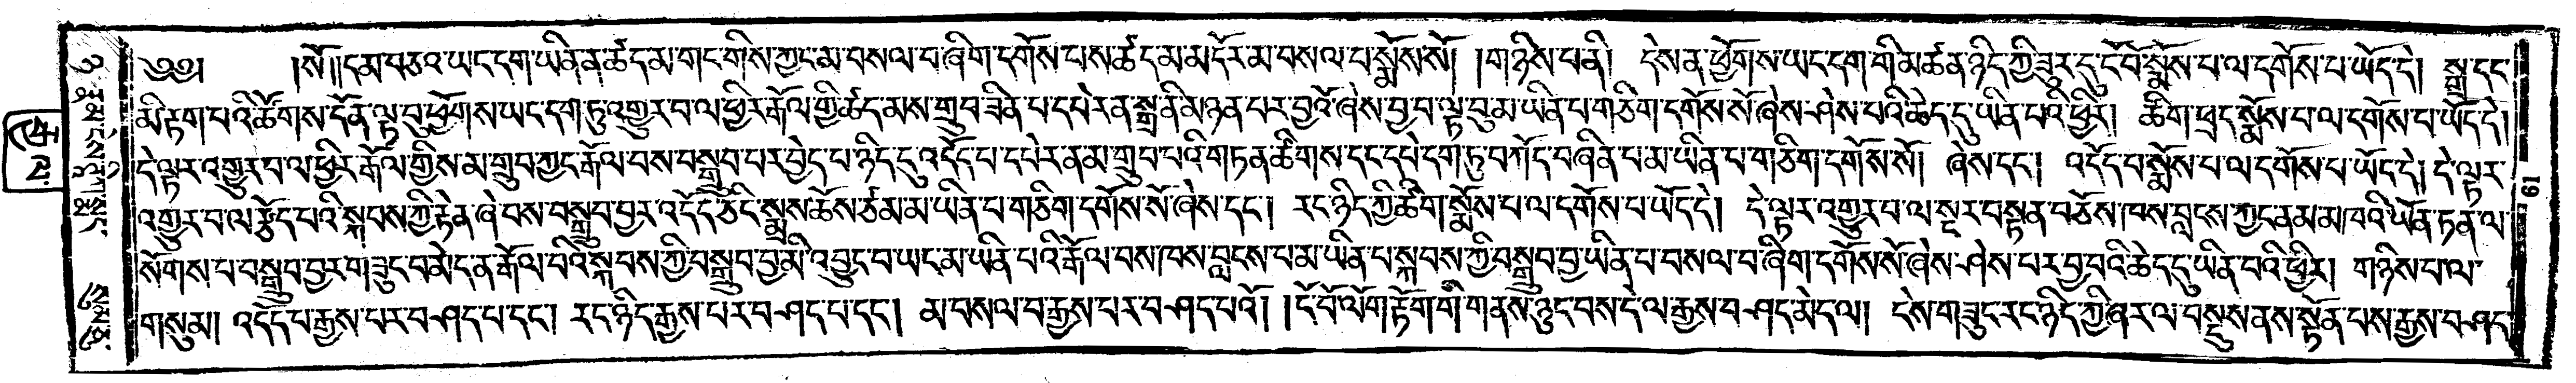༄༅། །སོ། །དམ་བཅའ་ཡང་དག་ཡིན་ན་ཚད་མ་གང་ཡིས་ཀྱང་མ་བསལ་བ་ཞིག་དགོས་པས་ཚད་མ་མདོར་མ་བསལ་བ་སྨོས་སོ། །གཉིས་པ་ནི། དེས་ན་ཕྱོགས་ཡང་དག་གི་མཚན་ཉིད་ཀྱི་ཟུར་དུ་ངོ་བོ་སྨོས་པ་ལ་དགོས་པ་ཡོད་དེ། སྒྲ་དང་
མི་རྟག་པའི་ཚོགས་དོན་ལྟ་བུ་ཕྱོགས་ཡང་དག་ཏུ་འགྱུར་བ་ལ་ཕྱིར་རྒོལ་གྱི་ཚད་མས་གྲུབ་ཟིན་པ་དཔེར་ན་སྒྲ་ནི་མཉན་པར་བྱའོ་ཞེས་བྱ་བ་ལྟ་བུ་མ་ཡིན་པ་གཅིག་དགོས་སོ་ཞེས་ཤེས་པའི་ཆེད་དུ་ཡིན་པའི་ཕྱིར། ཚིག་ཕྲད་སྨོས་པ་ལ་དགོས་པ་ཡོད་དེ།
དེ་ལྟར་འགྱུར་བ་ལ་ཕྱིར་རྒོལ་གྱིས་མ་གྲུབ་ཀྱང་རྒོལ་བས་བསྒྲུབ་པར་བྱེད་པ་ཉིད་དུ་འདོད་པ་དཔེར་ན་མ་གྲུབ་པའི་གཏན་ཚིགས་དང་དཔེ་དག་ཏུ་བཀོད་བཞིན་པ་མ་ཡིན་པ་གཅིག་དགོས་སོ། ཞེས་དང་། འདོད་པ་སྨོས་པ་ལ་དགོས་པ་ཡོད་དེ། དེ་ལྟར་
འགྱུར་བ་ལ་རྩོད་པའི་སྐབས་ཀྱི་རྟེན་ཞེ་བས་བསྒྲུབ་བྱར་འདོད་ཅིང་སྨྲས་ཆོས་ཙམ་མ་ཡིན་པ་གཅིག་དགོས་སོ་ཞེས་དང་། རང་ཉིད་ཀྱི་ཚིག་སྨོས་པ་ལ་དགོས་པ་ཡོད་དེ། དེ་ལྟར་འགྱུར་བ་ལ་སྔར་བསྟན་བཅོས་ཁས་བླངས་ཀྱང་ནམ་མཁའི་ཡོན་ཏན་ལ་
སོགས་པ་བསྒྲུབ་བྱར་གཟུང་བ་མེད་ན་རྒོལ་བའི་སྐབས་ཀྱི་བསྒྲུབ་བྱ་མི་འབྱུང་བ་ཡང་མ་ཡིན་པའི་རྒོལ་པས་ཁས་བླངས་པ་མ་ཡིན་པ་སྐབས་ཀྱི་བསྒྲུབ་བྱ་ཡིན་པ་བསལ་ཞིག་དགོས་སོ་ཞེས་ཤེས་པར་བྱ་བའི་ཆེད་དུ་ཡིན་པའི་ཕྱིར། གཉིས་པ་ལ་
གསུམ། འདོད་པ་རྒྱས་པར་བཤད་པ་དང་། རང་ཉིད་རྒྱས་པར་བཤད་པ་དང་། མ་བསལ་བ་རྒྱས་པར་བཤད་པའོ། །ངོ་བོ་ལོག་རྟོག་གི་གནས་ཉུང་བས་དེ་ལ་རྒྱས་བཤད་མེད་ལ། ངེས་གཟུང་རང་ཉིད་ཀྱི་ཞར་ལ་བསྡུས་ནས་སྟོན་པས་རྒྱས་བཤད་